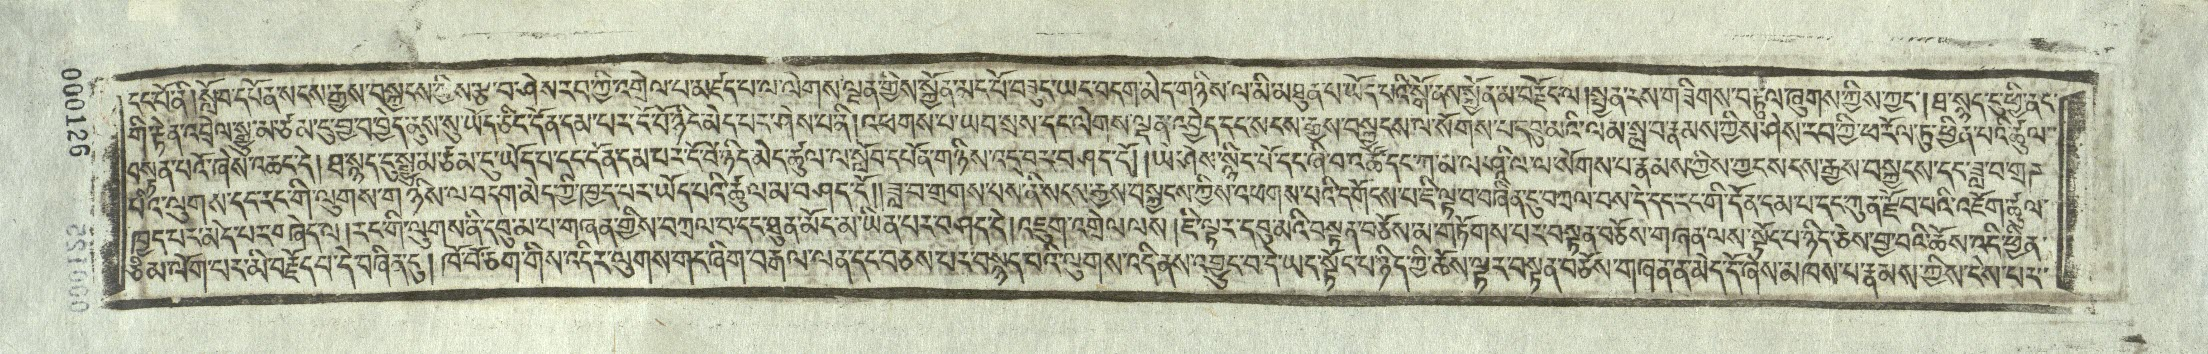དང་པོ་ནི། སློབ་དཔོན་སངས་རྒྱས་བསྐྱངས་ཀྱིས་རྩ་བ་ཤེས་རབ་ཀྱི་འགྲེལ་པ་མཛད་པ་ལ་ལེགས་ལྡན་གྱིས་སྐྱོན་མང་པོ་བཟུང་ཡང་བདག་མེད་གཉིས་ལ་མི་མཐུན་པ་ཡོད་པའི་སྒོ་ནས་སྐྱོན་མ་བརྗོད་ལ། སྤྱན་རས་གཟིགས་བརྟུལ་ཞུགས་ཀྱིས་ཀྱང་། ཐ་སྙད་དུ་ཕྱི་ནང་
གི་རྟེན་འབྲེལ་སྒྱུ་མ་ཙམ་དུ་བྱ་བ་བྱད་ནུས་སུ་ཡོད་ཅང་དོན་དམ་པར་ངོ་བོ་ཉིང་མད་པར་ཤེས་པ་ནི། འཕགས་པ་ཡབ་སྲས་དང་ལེགས་ལྡན་འབྱེད་དང་སངས་རྒྱས་བསྐྱངས་ལ་སོགས་པ་དབུ་མའི་ལམ་སྨྲ་བ་རྣམས་ཀྱིས་ཤེས་རབ་ཀྱི་ཕ་རོལ་ཏུ་ཕྱིན་པའི་ཚུལ་
བསྟན་པའོ་ཞེས་འཆད་དེ། ཐ་སྙད་དུ་སྒྱུ་མ་ཙམ་དུ་ཡོད་པ་དང་དོན་དམ་པར་ངོ་བོ་ཉིད་མེད་ཚུལ་ལ་སློབ་དཔོན་གཉིས་འདྲ་བར་བཤད་དོ། །ཡེ་ཤེས་སྙིང་པོ་དང་ཞི་བ་འཚོ་དང་ཀ་མ་ལ་ཤཱི་ལ་ལ་སོགས་པ་རྣམས་ཀྱིས་ཀྱང་སངས་རྒྱས་བསྐྱངས་དང་ཟླ་བ་གྲགས་
པའི་ལུགས་དང་རང་གི་ལུགས་གཉིས་ལ་བདག་མེད་ཀྱི་ཁྱད་པར་ཡོད་པའི་ཚུལ་མ་བཤད་དོ། །ཟླ་བ་གྲགས་པས་ནི་སངས་རྒྱས་བསྐྱངས་ཀྱིས་འཕགས་པའི་དགོངས་པ་ཇི་ལྟ་བ་བཞིན་དུ་བཀྲལ་བས་དེ་དང་རང་གི་དོན་དམ་པ་དང་ཀུན་རྫོབ་པའི་འཇོག་ཚུལ་
ཁྱད་པར་མེད་པར་བཞེད་ལ། རང་གི་ལུགས་ནི་དབུ་མ་པ་གཞན་གྱིས་བཀྲལ་བ་དང་ཐུན་མོང་མ་ཡིན་པར་བཤད་དེ། འཇུག་འགྲེལ་ལས། ཇི་ལྟར་དབུ་མའི་བསྟན་བཅོས་མ་གཏོགས་པར་བསྟན་བཅོས་གཞན་ལས་སྟོང་པ་ཉིད་ཅེས་བྱ་བའི་ཆོས་འདི་ཕྱིན་
ཙམ་ལོག་པར་མི་བརྗོད་པ་དེ་བཞིན་དུ། ཁོ་བོ་ཅག་གིས་འདིར་ལུགས་གང་ཞིག་བརྒལ་ལན་དང་བཅས་པར་བསྙད་པའི་ལུགས་འདི་ནས་འབྱུང་བ་དེ་ཡང་སྟོན་པ་ཉིད་ཀྱི་ཆོས་ལྟར་བསྟན་བཅོས་གཞན་ན་མེད་དོ་ཞེས་མཁས་པ་རྣམས་ཀྱིས་ངས་པར་